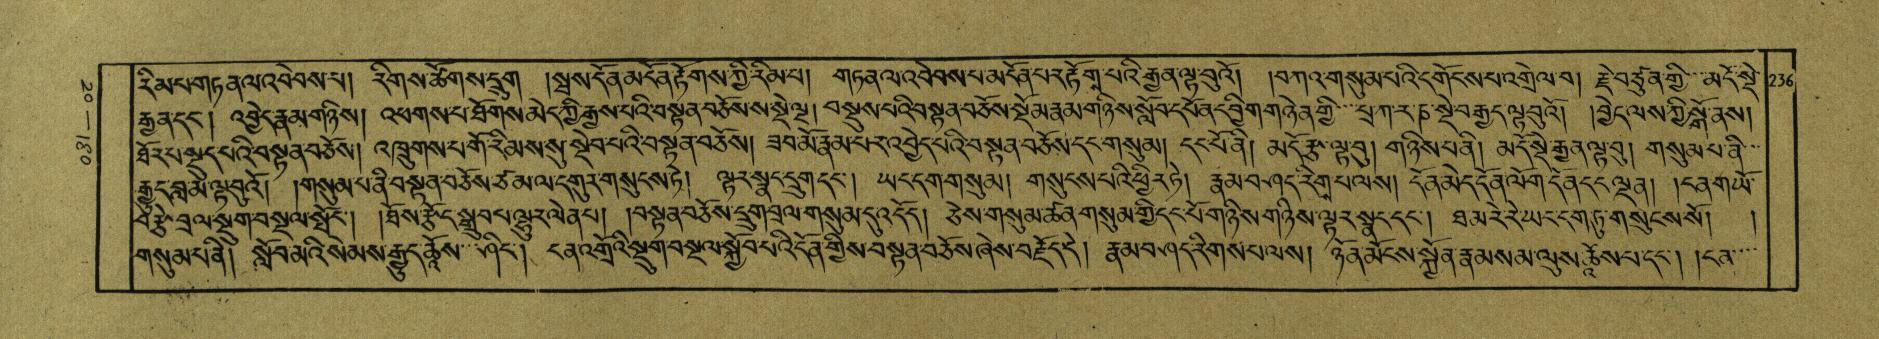རིམ་པ་གཏན་ལ་འབེབས་པ། རིགས་ཚོགས་དྲུག །སྦས་དོན་མངོན་རྟོགས་ཀྱི་རིམ་པ། གཏན་ལ་འབེབས་པ་མངོན་པར་རྟོགས་པའི་རྒྱན་ལྟ་བུའོ། །བཀའ་གསུམ་པའི་དགོངས་པ་འགྲེལ་བ། རྗེ་བཙུན་གྱི་མདོ་སྡེ་
རྒྱན་དང་། འབྱེད་རྣམ་གཉིས། འཕགས་པ་ཐོགས་མེད་ཀྱི་རྒྱས་པའི་བསྟན་བཅོས་ས་སྡེ་ལྔ། བསྡུས་པའི་བསྟན་བཅོས་སྡོམ་རྣམ་གཉིས་སློབ་དཔོན་དབྱིག་གཉེན་གྱི་པྲ་ཀ་ར་ཎ་སྡེ་བརྒྱད་ལྟ་བུའོ། །བྱེད་ལས་ཀྱི་སྒོ་ནས།
ཐོར་པ་སྡུད་པའི་བསྟན་བཅོས། འཁྲུགས་པ་གོ་རིམས་སུ་སྡེབ་པའི་བསྟན་བཅོས། ཟབ་མོ་རྣམ་པར་འབྱེད་པའི་བསྟན་བཅོས་དང་གསུམ། དང་པོ་ནི། མདོ་རྩ་ལྟ་བུ། གཉིས་པ་ནི། མདོ་སྡེ་རྒྱན་ལྟ་བུ། གསུམ་པ་ནི་
རྒྱུད་བླ་མ་ལྟ་བུའོ། །གསུམ་པ་ནི་བསྟན་བཅོས་ཙམ་ལ་དགུར་གསུངས་ཏེ། ལྟར་སྣང་དྲུག་དང་། ཡང་དག་གསུམ། གསུངས་པའི་ཕྱིར་ཏེ། རྣམ་བཤད་རིགས་པ་ལས། དོན་མེད་དོན་ལོག་དོན་དང་ལྡན། །ངན་གཡོ་
བརྩེ་བྲལ་སྡུག་བསྔལ་སྤོང་། །ཐོས་རྩོད་སྒྲུབ་པ་ལྷུར་ལེན་པ། །བསྟན་བཅོས་དྲུག་བྲལ་གསུམ་དུ་འདོད། ཅེས་གསུམ་མཚན་གསུམ་གྱི་དང་པོ་གཉིས་གཉིས་ལྟར་སྣང་དང་། ཐ་མ་རེ་རེ་ཡང་དག་ཏུ་གསུངས་སོ། །
གསུམ་པ་ནི། སློབ་མའི་སེམས་རྒྱུད་ཆོས་ཤིང་། ངན་འགྲོའི་སྡུག་བསྔལ་སྐྱོབ་པའི་དོན་གྱིས་བསྟན་བཅོས་ཞེས་བརྗོད་དེ། རྣམ་བཤད་རིགས་པ་ལས། ཉོན་མོངས་སྐྱོན་རྣམས་མ་ལུས་ཆོས་པ་དང་། །ངན་